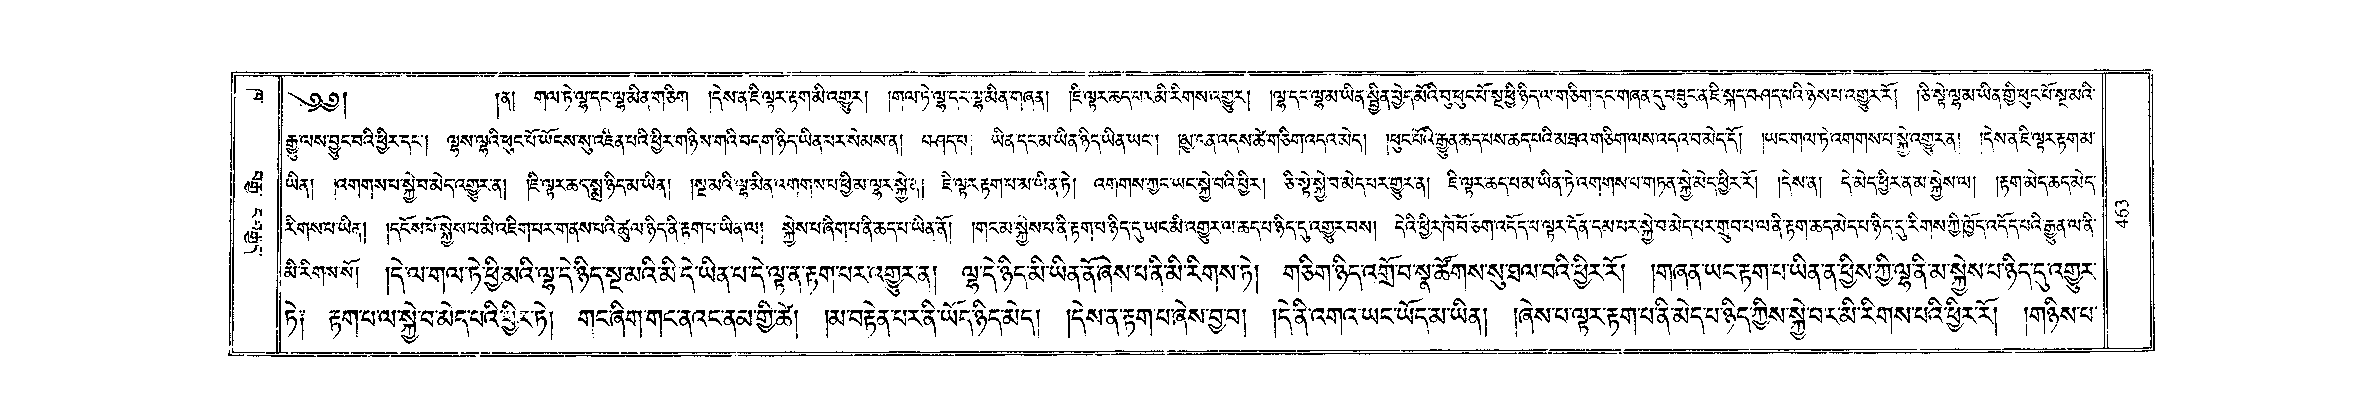༄༅། །ན། གལ་ཏེ་ལྷ་དང་ལྷ་མིན་གཅིག །དེས་ན་ཇི་ལྟར་རྟག་མི་འགྱུར། །གལ་ཏེ་ལྷ་དང་ལྷ་མིན་གཞན། །ཇི་ལྟར་ཆད་པར་མི་རིགས་འགྱུར། །ལྷ་དང་ལྷ་མ་ཡིན་སྦྱིན་བྱེད་མོའི་བུ་ཕུང་པོ་སྔ་ཕྱི་ཉིད་ལ་གཅིག་དང་གཞན་དུ་བཟུང་ན་ཇི་སྐད་བཤད་པའི་ཉེས་པ་འགྱུར་རོ། །ཅི་སྟེ་ལྷ་མ་ཡིན་གྱི་ཕུང་པོ་སྔ་མའི་
རྒྱུ་ལས་བྱུང་བའི་ཕྱིར་དང་། ལྷས་ལྷའི་ཕུང་པོ་ཡོངས་སུ་འཛིན་པའི་ཕྱིར་གཉིས་གའི་བདག་ཉིད་ཡིན་པར་སེམས་ན། བཤད་པ། ཡིན་དང་མ་ཡིན་ཉིད་ཡིན་ཡང་། །མྱ་ངན་འདས་ཚེ་གཅིག་འདའ་མེད། །ཕུང་པོའི་རྒྱུན་ཆད་པས་ཆད་པའི་མཐའ་གཅིག་ལས་འདའ་བ་མེད་དོ། །ཡང་གལ་ཏེ་འགགས་པ་སྐྱེ་འགྱུར་ན། །དེས་ན་ཇི་ལྟར་རྟག་མ་
ཡིན། །འགགས་པ་སྐྱེ་བ་མེད་འགྱུར་ན། །ཇི་ལྟར་ཆད་སྨྲ་ཉིད་མ་ཡིན། །སྔ་མའི་ལྷ་མིན་འགགས་པ་ཕྱི་མ་ལྷར་སྐྱེ་ན། ཇི་ལྟར་རྟག་པ་མ་ཡིན་ཏེ། འགགས་ཀྱང་ཡང་སྐྱེ་བའི་ཕྱིར། ཅི་སྟེ་སྐྱེ་བ་མེད་པར་གྱུར་ན། ཇི་ལྟར་ཆད་པ་མ་ཡིན་ཏེ་འགགས་པ་གཏན་སྐྱེ་མེད་ཕྱིར་རོ། །དེས་ན། དེ་མེད་ཕྱིར་ན་མ་སྐྱེས་ལ། །རྟག་མེད་ཆད་མེད་
རིགས་པ་ཡིན། །དངོས་པོ་སྐྱེས་པ་མི་འཇིག་པར་གནས་པའི་ཚུལ་ཉིད་ནི་རྟག་པ་ཡིན་ལ། སྐྱེས་པ་ཞིག་པ་ནི་ཆད་པ་ཡིན་ནོ། །གང་མ་སྐྱེས་པ་ནི་རྟག་པ་ཉིད་དུ་ཡང་མི་འགྱུར་ལ་ཆད་པ་ཉིད་དུ་འགྱུར་བས། དེའི་ཕྱིར་ཁོ་བོ་ཅག་འདོད་པ་ལྟར་དོན་དམ་པར་སྐྱེ་བ་མེད་པར་གྲུབ་པ་ལ་ནི་རྟག་ཆད་མེད་པ་ཉིད་དུ་རིགས་ཀྱི་ཁྱོད་འདོད་པའི་རྒྱུན་ལ་ནི་
མི་རིགས་སོ། །དེ་ལ་གལ་ཏེ་ཕྱི་མའི་ལྷ་དེ་ཉིད་སྔ་མའི་མི་དེ་ཡིན་པ་དེ་ལྟ་ན་རྟག་པར་འགྱུར་ན། ལྷ་དེ་ཉིད་མི་ཡིན་ནོ་ཞེས་པ་ནི་མི་རིགས་ཏེ། གཅིག་ཉིད་འགྲོ་བ་སྣ་ཚོགས་སུ་ཐལ་བའི་ཕྱིར་རོ། །གཞན་ཡང་རྟག་པ་ཡིན་ན་ཕྱིས་ཀྱི་ལྷ་ནི་མ་སྐྱེས་པ་ཉིད་དུ་འགྱུར་
ཏེ༑ རྟག་པ་ལ་སྐྱེ་བ་མེད་པའི་ཕྱིར་ཏེ། གང་ཞིག་གང་ནའང་ནམ་གྱི་ཚེ། །མ་བརྟེན་པར་ནི་ཡོད་ཉིད་མེད། །དེས་ན་རྟག་པ་ཞེས་བྱ་བ། །དེ་ནི་འགའ་ཡང་ཡོད་མ་ཡིན། །ཞེས་པ་ལྟར་རྟག་པ་ནི་མེད་པ་ཉིད་ཀྱིས་སྐྱེ་བར་མི་རིགས་པའི་ཕྱིར་རོ། །གཉིས་པ་